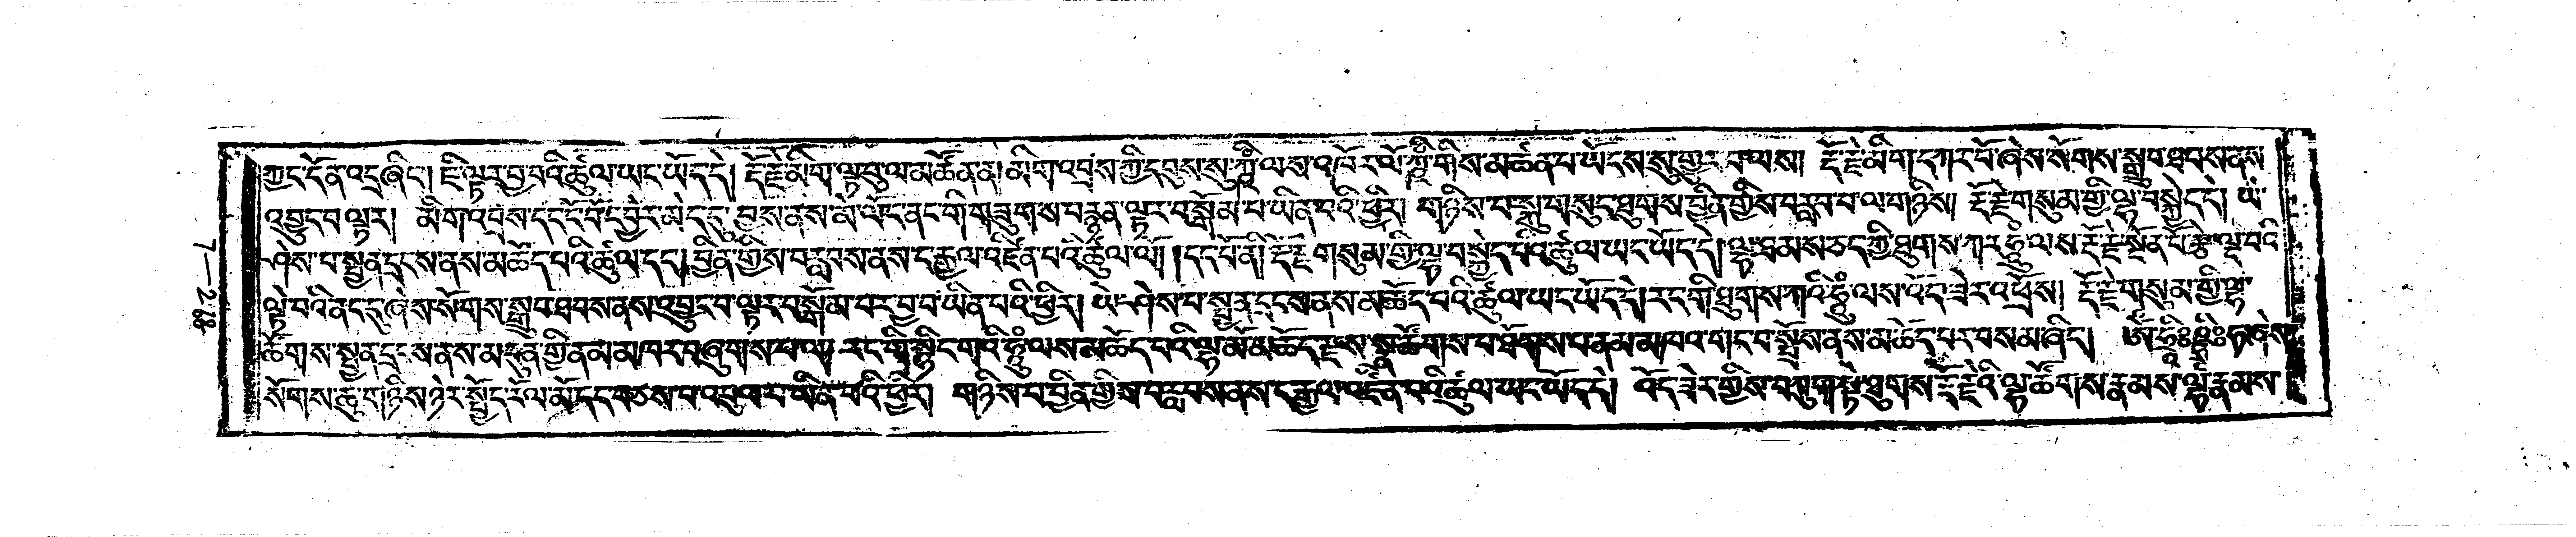ཀྱང་དོན་འདྲ་ཞིང་། ཇི་ལྟར་བྱ་བའི་ཚུལ་ཡང་ཡོད་དེ། རྡོ་རྗེ་མིག་ལྟ་བུ་ལ་མཚོན་ན། མིག་འབྲས་ཀྱི་དབུས་སུ་ཀྵ་ལས་འཁོར་ལོ་ཀྵཾ་གིས་མཚན་པ་ཡོངས་སུ་གྱུར་པ་ལས། རྡོ་རྗེ་མིག་དཀར་པོ་ཞེས་སོགས་སྒྲུབ་ཐབས་ནས་
འབྱུང་བ་ལྟར། མིག་འབྲས་དང་ངོ་བོ་དབྱེར་མེད་དུ་བྱས་ནས་མེ་ལོང་ནང་གི་གཟུགས་བརྙན་ལྟར་བསྒོམ་པ་ཡིན་པའི་ཕྱིར། གཉིས་པ་སྐུ་གསུང་ཐུགས་བྱིན་གྱིས་བརླབ་པ་ལ་གཉིས། རྡོ་རྗེ་གསུམ་གྱི་ལྷ་བསྐྱེད་དེ། ཡེ་
ཤེས་པ་སྤྱན་དྲངས་ནས་མཆོད་པའི་ཚུལ་དང་། བྱིན་གྱིས་བརླབས་ནས་ང་རྒྱལ་འཛིན་པའི་ཚུལ་ལོ། །དང་པོ་ནི། རྡོ་རྗེ་གསུམ་གྱི་ལྷ་བསྐྱེད་པའི་ཚུལ་ཡང་ཡོད་དེ། ལྷ་ཐམས་ཅད་ཀྱི་ཐུགས་ཀར་ཧཱུཾ་ལས་རྡོ་རྗེ་སྔོན་པོ་རྩེ་ལྔ་པའི་
ལྟེ་བའི་ནང་དུ་ཞེས་སོགས་སྒྲུབ་ཐབས་ནས་འབྱུང་བ་ལྟར་བསྒོམ་པར་བྱ་བ་ཡིན་པའི་ཕྱིར། ཡེ་ཤེས་པ་སྤྱན་དྲངས་ནས་མཆོད་པའི་ཚུལ་ཡང་ཡོད་དེ། རང་གི་ཐུགས་ཀའི་ཧཱུཾ་ལས་འོད་ཟེར་འཕྲོས། རྡོ་རྗེ་གསུམ་གྱི་ལྷ་
ཚོགས་སྤྱན་དྲངས་ནས་མདུན་གྱི་ནམ་མཁར་བཞུགས་པ་ལ། རང་གི་སྙིང་གའི་ཧཱུཾ་ལས་མཆོད་པའི་ལྷ་མོ་མཆོད་རྫས་སྣ་ཚོགས་པ་ཐོགས་པ་ནམ་མཁའ་གང་བ་སྤྲོས་ནས་མཆོད་པར་བསམ་ཞིང་། ཨོཾ་ཧྲཱིཿ ཥྚིཿ ཧ་ཞེས་
སོགས་ཆུ་གཉིས་ཉེར་སྤྱོད་རོལ་མོ་དང་བཅས་པ་འབུལ་བ་ཡིན་པའི་ཕྱིར། གཉིས་པ་བྱིན་གྱིས་བརླབས་ནས་ང་རྒྱལ་འཛིན་པའི་ཚུལ་ཡང་ཡོད་དེ། འོད་ཟེར་གྱིས་བཀུག་སྟེ་ཐུགས་རྡོ་རྗེའི་ལྷ་ཚོགས་རྣམས་ལྷ་རྣམས་